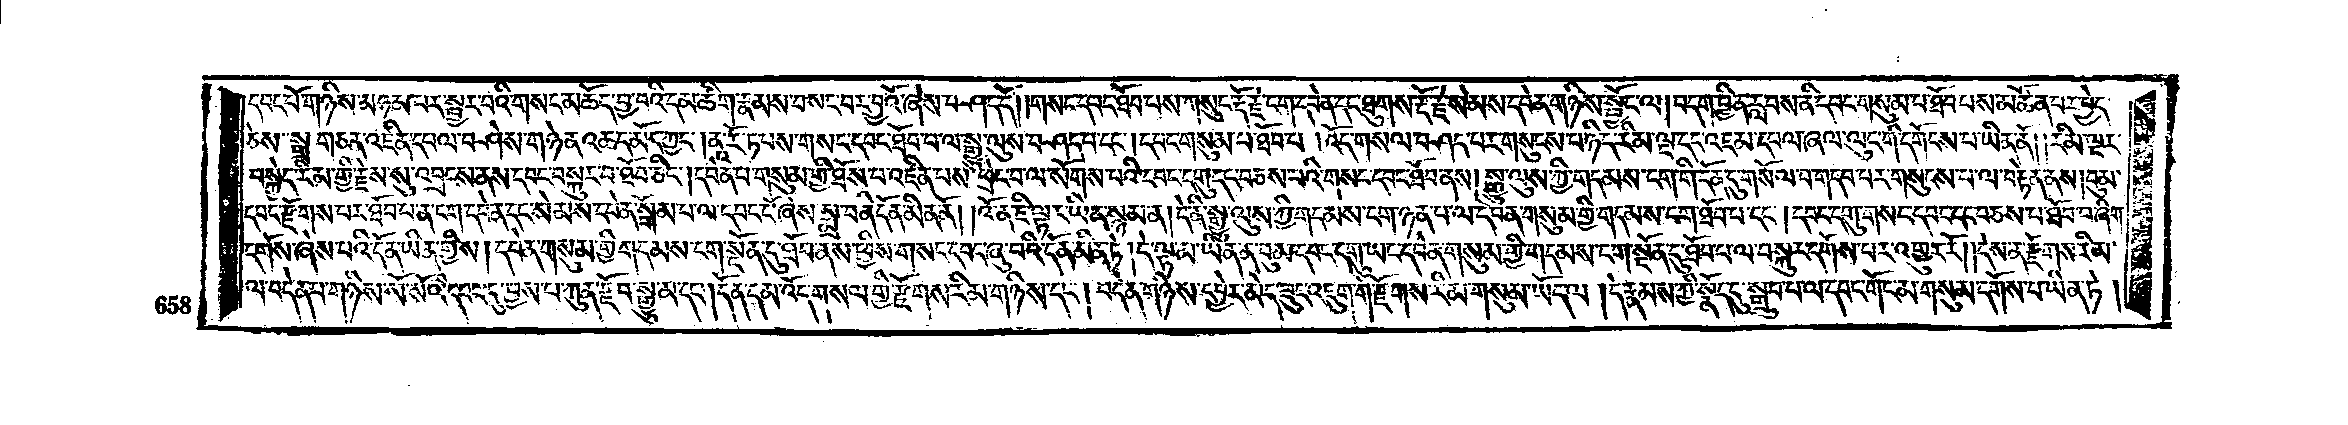དབང་པོ་གཉིས་མཉམ་པར་སྦྱར་བའི་གསང་མཆོད་བྱ་བའི་དམ་ཚིག་རྣམས་བསྲུང་བར་བྱའོ་ཞེས་བཤད་དོ། །གསང་དབང་ཐོབ་པས་གསུང་རྡོ་རྗེ་ངག་དབེན་དང་ཐུགས་རྡོ་རྗེ་སེམས་དབེན་གཉིས་སྦྱོང་ལ། བདག་བྱིན་རླབས་ནི་དབང་གསུམ་པ་ཐོབ་པས་མཚོན་པར་བྱེད་
ཅེས་སྒྲ་གཅན་འཛིན་དཔལ་བཤེས་གཉེན་འཆད་མོད་ཀྱང་། ནཱ་རོ་ཏ་པས་གསང་དབང་ཐོབ་པ་ལ་སྒྱུ་ལུས་བཤད་པ་དང་། དབང་གསུམ་པ་ཐོབ་པས་འོད་གསལ་བཤད་པར་གསུངས་པ་ཉིད་རིམ་ལྔ་དང་འཇམ་དཔལ་ཞལ་ལུང་གི་དགོངས་པ་ཡིན་ནོ། །རིམ་ལྔར་
བསྐྱེད་རིམ་གྱི་རྗེས་སུ་འབྲངས་ནས་དབང་བསྐུར་བ་ཐོབ་ཅིང་། དབེན་པ་གསུམ་གྱི་ཐོས་པ་འཛིན་པས་ཕྲེང་བ་ལ་སོགས་པའི་དབང་དགུ་དང་བཅས་པའི་གསང་དབང་ཐོབ་ནས། སྒྱུ་ལུས་ཀྱི་གདམས་ངག་གི་དོན་དུ་གསོལ་བ་གདབ་པར་གསུངས་པ་ལ་བརྟེན་ནས། བུམ་
དབང་རྫོགས་པར་ཐོབ་པ་ན་ངག་དབེན་དང་སེམས་དབེན་སྒོམ་པ་ལ་དབང་ངོ་ཞེས་སྨྲ་བ་ནི་དོན་མིན་ནོ། །འོ་ན་ཇི་ལྟར་ཡིན་སྙམ་ན། དེ་ནི་སྒྱུ་ལུས་ཀྱི་གདམས་ངག་ཉན་པ་ལ་དབེན་གསུམ་གྱི་གདམས་ངག་ཐོབ་པ་དང་། དབང་དགུ་གསང་དབང་དང་བཅས་པ་ཐོབ་པ་ཞིག་
དགོས་ཞེས་པའི་དོན་ཡིན་གྱིས། དབེན་གསུམ་གྱི་གདམས་ངག་སྔོན་དུ་ཐོབ་ནས་ཕྱིས་གསང་དབང་ཞུ་བའི་དོན་མིན་ཏེ། དེ་ལྟ་མ་ཡིན་ན་བུམ་དབང་དགུ་ཡང་དབེན་གསུམ་གྱི་གདམས་ངག་སྔོན་དུ་ཐོབ་པ་ལ་བསྐུར་དགོས་པར་འགྱུར་རོ། །དེས་ན་རྫོགས་རིམ་
ལ་བདེན་པ་གཉིས་སོ་སོའི་དབང་དུ་བྱས་པ་ཀུན་རྫོབ་སྒྱུ་མ་དང་། དོན་དམ་འོད་གསལ་གྱི་རྫོགས་རིམ་གཉིས་དང་། བདེན་གཉིས་དབྱེར་མེད་ཟུང་འཇུག་གི་རྫོགས་རིམ་གསུམ་ཡོད་ལ། དེ་རྣམས་ཀྱི་སྣོད་དུ་སྒྲུབ་པ་ལ་དབང་གོང་མ་གསུམ་དགོས་པ་ཡིན་ཏེ།